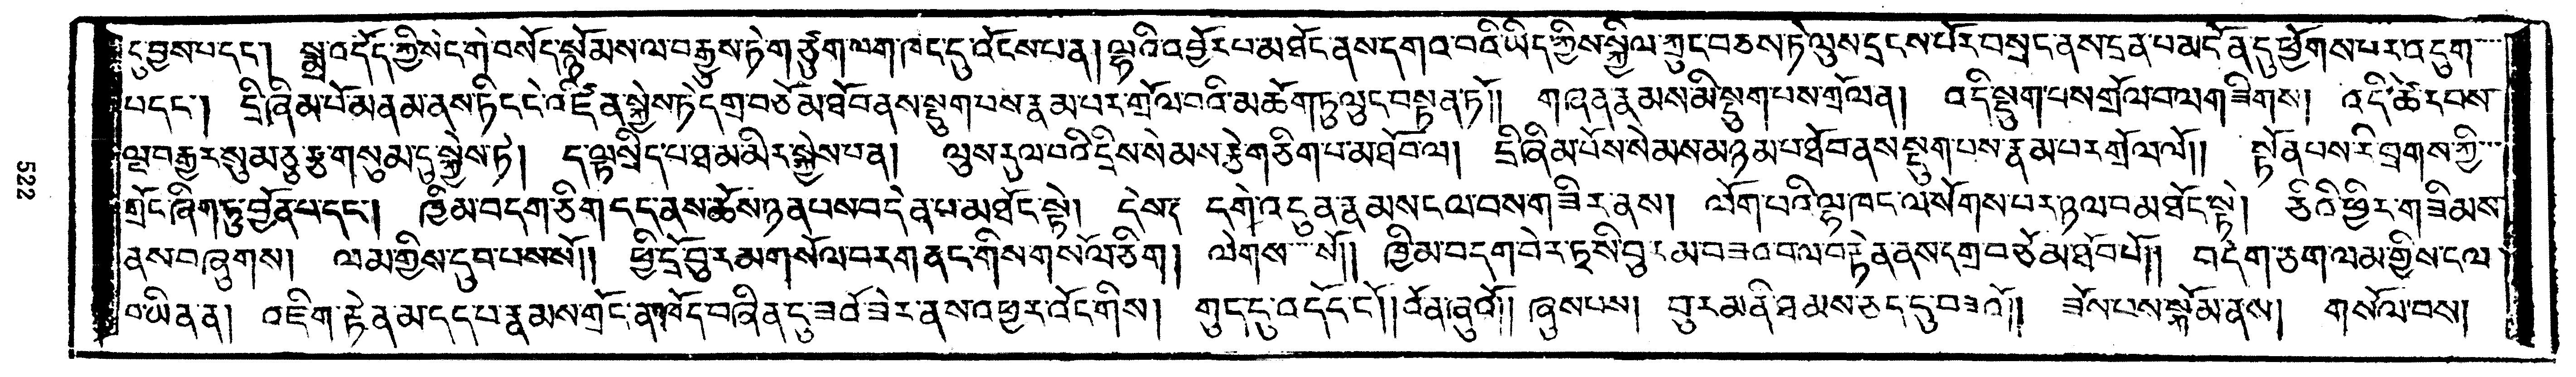དུ་བྱས་པ་དང་། སྨྲ་འདོད་ཀྱི་སེང་གེ་བསོད་སྙོམས་ལ་བརྒྱུས་ཏེ་གཙུག་ལག་ཁང་དུ་འོངས་པ་ན། ལྷའི་འབྱོར་པ་མཐོང་ནས་དགའ་བའི་ཡིད་ཀྱིས་སྐྱིལ་ཀྲུང་བཅས་ཏེ་ལུས་དྲངས་པོར་བསྲང་ནས་དྲན་པ་མངོན་དུ་ཕྱོགས་པར་འདུག་
པ་དང་། དྲི་ཞིམ་པོ་མནམ་ནས་ཏིང་ངེ་འཛིན་སྐྱེས་ཏེ་དགྲ་བཅོམ་ཐོབ་ནས་སྡུག་པས་རྣམ་པར་གྲོལ་བའི་མཆོག་ཏུ་ལུང་བསྟན་ཏོ།། གཞན་རྣམས་མི་སྡུག་པས་གྲོལ་ན། འདི་སྡུག་པས་གྲོལ་བ་ལ་གཟིགས། འདི་ཚེ་རབས་
ལྔ་བརྒྱར་སུམ་ཅུ་རྩ་གསུམ་དུ་སྐྱེས་ཏེ། ད་ལྟ་སྲིད་པ་ཐ་མ་མིར་སྐྱེས་པ་ན། ལུས་རུལ་བའི་དྲིས་སེམས་རྩེ་གཅིག་པ་མ་ཐོབ་ལ། དྲི་ཞིམ་པོས་སེམས་མཉམ་པ་ཐོབ་ནས་སྡུག་པས་རྣམ་པར་གྲོལ་ལོ།། སྟོན་པས་རི་བྲགས་ཀྱི་
གྲོང་ཞིག་ཏུ་བྱོན་པ་དང་། ཁྱིམ་བདག་ཅིག་དད་ནས་ཆོས་ཉན་པས་བདེན་པ་མཐོང་སྟེ། དེས༑ དགེ་འདུན་རྣམས་ངལ་བས་གཟིར་ནས། ལོག་པའི་ལྷ་ཁང་ལ་སོགས་པར་ཉལ་བ་མཐོང་སྟེ། ཅིའི་ཕྱིར་གཟིམས་
ནས་བཞུགས། ལམ་གྱིས་དུབ་པས་སོ།། ཕྱི་དྲོ་བུ་རམ་གསོལ་བར་གནང་གིས་གསོལ་ཅིག། ལེགས་སོ།། ཁྱི་མ་བདག་བེ་ར་ཏྲ་སི་བུ་རམ་བཟའ་བ་ལ་བརྟེན་ནས་དགྲ་བཅོམ་ཐོབ་པོ།། བདག་ཅག་ལམ་གྱིས་ངལ་
བ་ཡིན་ན། འཇིག་རྟེན་མ་དད་པ་རྣམས་གྲོང་ན་ཁོད་བཞིན་དུ་ཟའོ་ཟེར་ནས་འཕྱར་འོང་གིས། གུད་དུ་འདོང་ངོ། །འོ་ན་ཞུའོ།། ཞུས་པས། བུ་རམ་ནི་ཐམས་ཅད་དུ་བཟའོ།། ཟོས་པས་སྐོམ་ནས། གསོལ་བས།